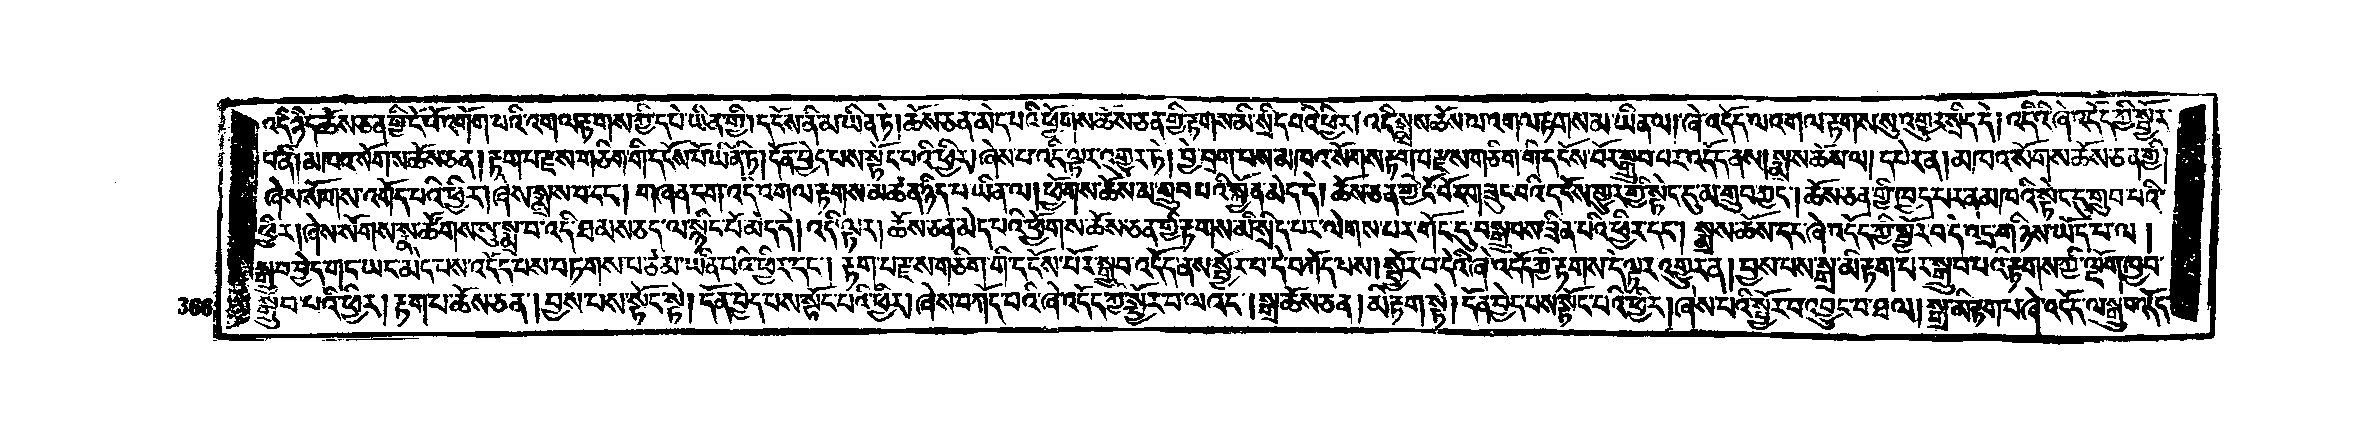འདི་ཉིད་ཆོས་ཅན་གྱི་ངོ་བོ་འགོག་པའི་འགལ་རྟགས་ཀྱི་དཔེ་ཡིན་གྱི། དངོས་ནི་མ་ཡིན་ཏེ། ཆོས་ཅན་མེད་པའི་ཕྱོགས་ཆོས་ཅན་གྱི་རྟགས་མི་སྲིད་པའི་ཕྱིར། འདི་སྨྲས་ཆོས་ལ་འགལ་རྟགས་མ་ཡིན་ལ། ཞེ་འདོད་ལ་འགལ་རྟགས་སུ་འགྱུར་སྲིད་དེ། འདིའི་ཞེ་འདོད་ཀྱི་སྦྱོར་
པ་ནི་། མཁའ་སོགས་ཆོས་ཅན། རྟག་པ་རྫས་གཅིག་གི་དངོས་པོ་ཡིན་ཏེ། དོན་བྱེད་པས་སྟོང་པའི་ཕྱིར། ཞེས་པ་འདི་ལྟར་འགྱུར་ཏེ། བྱེ་བྲག་པས་མཁའ་སོགས་རྟག་པ་རྫས་གཅིག་གི་དངོས་པོར་སྒྲུབ་པར་འདོད་ནས། སྨྲས་ཆོས་ལ། དཔེར་ན། མཁའ་སོགས་ཆོས་ཅན་གྱི།
ཞེས་སོགས་འགོད་པའི་ཕྱིར། ཞེས་སྨྲས་བ་དང་། གཞན་དག་འདི་འགལ་རྟགས་མཚན་ཉིད་པ་ཡིན་ལ། ཕྱོགས་ཆོས་མ་གྲུབ་པའི་སྐྱོན་མེད་དེ། ཆོས་ཅན་གྱི་ངོ་བོར་གཟུང་བའི་དངོས་གྱུར་གྱི་སྟེང་དུ་མ་གྲུབ་ཀྱང་། ཆོས་ཅན་གྱི་ཁྱད་པར་ནམ་མཁའི་སྟེང་དུ་གྲུབ་པའི་
ཕྱིར། ཞེས་སོགས་སྣ་ཚོགས་སུ་སྨྲ་བ་འདི་ཐམས་ཅད་ལ་སྙིང་པོ་མེད་དེ། འདི་ལྟར། ཆོས་ཅན་མེད་པའི་ཕྱོགས་ཆོས་ཅན་གྱི་རྟགས་མི་སྲིད་པར་ལེགས་པར་གོང་དུ་བསྒྲུབས་ཟིན་པའི་ཕྱིར་དང་། སྨྲས་ཆོས་དང་ཞེ་འདོད་ཀྱི་སྦྱོར་བ་དེ་འདྲ་གཉིས་ཡོད་པ་ལ།
སྒྲུབ་བྱེད་གང་ཡང་མེད་པས་འདོད་པས་བཏགས་པ་ཙམ་ཡིན་པའི་ཕྱིར་དང་། རྟག་པ་རྫས་གཅིག་གི་དངོས་པོར་སྒྲུབ་འདོད་ནས་སྦྱོར་བ་དེ་བཀོད་པས། སྦྱོར་བ་དེའི་ཞེ་འདོད་ཀྱི་རྟགས་དེ་ལྟར་འགྱུར་ན། བྱས་པས་སྒྲ་མི་རྟག་པར་སྒྲུབ་པའི་རྟགས་ཀྱི་ལྡོག་ཁྱབ་
སྒྲུབ་པའི་ཕྱིར། རྟག་པ་ཆོས་ཅན། བྱས་པས་སྟོང་སྟེ། དོན་བྱེད་པས་སྟོང་པའི་ཕྱིར། ཞེས་བཀོད་པའི་ཞེ་འདོད་ཀྱི་སྦྱོར་བ་ལའང་། སྒྲ་ཆོས་ཅན། མི་རྟག་སྟེ། དོན་བྱེད་པས་སྟོང་པའི་ཕྱིར། ཞེས་པའི་སྦྱོར་བ་འབྱུང་བ་ཐལ། སྒྲ་མི་རྟག་པ་ཞེ་འདོད་ལ་སྒྲུབ་འདོད་